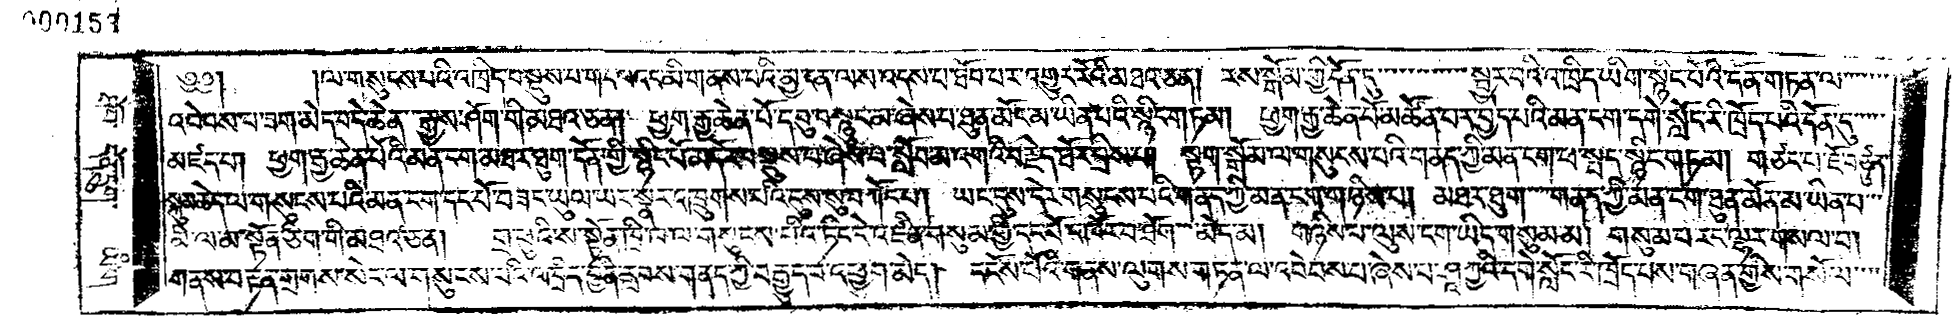༄༅། །ལ་གསུངས་པའི་འཁྲིད་བསྡུས་པ་གང་ལའང་མི་གནས་པའི་མྱ་ངན་ལས་འདས་པ་ཐོབ་པར་འགྱུར་རོའི་མཐའ་ཅན། རས་སྒོམ་གྱི་དོན་དུ་སྦྱར་བའི་འཁྲིད་ཡིག་སྙིང་པོའི་དོན་གཏན་ལ་
འབེབས་པ་ཟག་མེད་བདེ་ཆེན་རྒྱས་ཤོག་གི་མཐའ་ཅན། ཕྱག་རྒྱ་ཆེན་པོ་དབུ་བསྙུང་མ་ཞེས་པ་ཐུན་མོང་མ་ཡིན་པའི་སྙིང་གཏམ། ཕྱག་རྒྱ་ཆེན་པོ་མཚོན་པར་བྱེད་པའི་མན་ངག་དགེ་སློང་རི་ཁྲིད་པའི་དོན་དུ་
མཛད་པ། ཕྱག་རྒྱ་ཆེན་པོའི་མན་ངག་མཐར་ཐུག་དོན་གྱི་སྙིང་པོ་མདོར་བསྡུས་པ་ཞེས་པ་སློབ་མ་འགའི་བརྗེད་ཐོར་བྲིས་པ། སྟག་སྒོམ་ལ་གསུངས་པའི་གནད་ཀྱི་མན་ངག་ཕ་སྤད་སྙིང་གཏམ། གཙང་པ་ཇོ་བཙུན་
སྐུ་མཆེད་ལ་གསུངས་པའི་མན་ངག་དང་པོ་བཟང་ཡུལ་ཡར་སྣར་འཁྲུགས་པའི་དུས་སུ་བཀོང་པ། ཡང་དུས་དེར་གསུངས་པའི་གནད་ཀྱི་མན་ངག་གཉིས་པ། མཐར་ཐུག་གནད་ཀྱི་མན་ངག་ཐུན་མོན་མ་ཡིན་པ་
མི་ལ་མ་སྟོན་ཅིག་གི་མཐའ་ཅན། གྲ་ཕུའི་ས་སྟོན་ཁྲི་ཁ་ལ་གསུངས་པའི་ཏིང་ངེ་འཛིན་གསུམ་གྱི་དང་པོ་འཁོར་བ་ཐོག་མེད་མ། གཉིས་པ་ལུས་ངག་ཡིད་གསུམ་མ། གསུམ་པ་རང་ལྷར་གསལ་བ།
གནས་བརྟན་གྲགས་སེང་ལ་གསུངས་པའི་འཁྲིད་བྱ་ནི་རླབས་གནད་ཀྱི་བརྒྱུད་པ་འཕྱུག་མེད། དངོས་པོའི་གནས་ལུགས་གཏན་ལ་འབེབས་པ་ཞེས་པ་ཤཱཀྱའི་དགེ་སློང་རི་ཁྲོད་པས་གཞན་གྱིས་གསོལ་